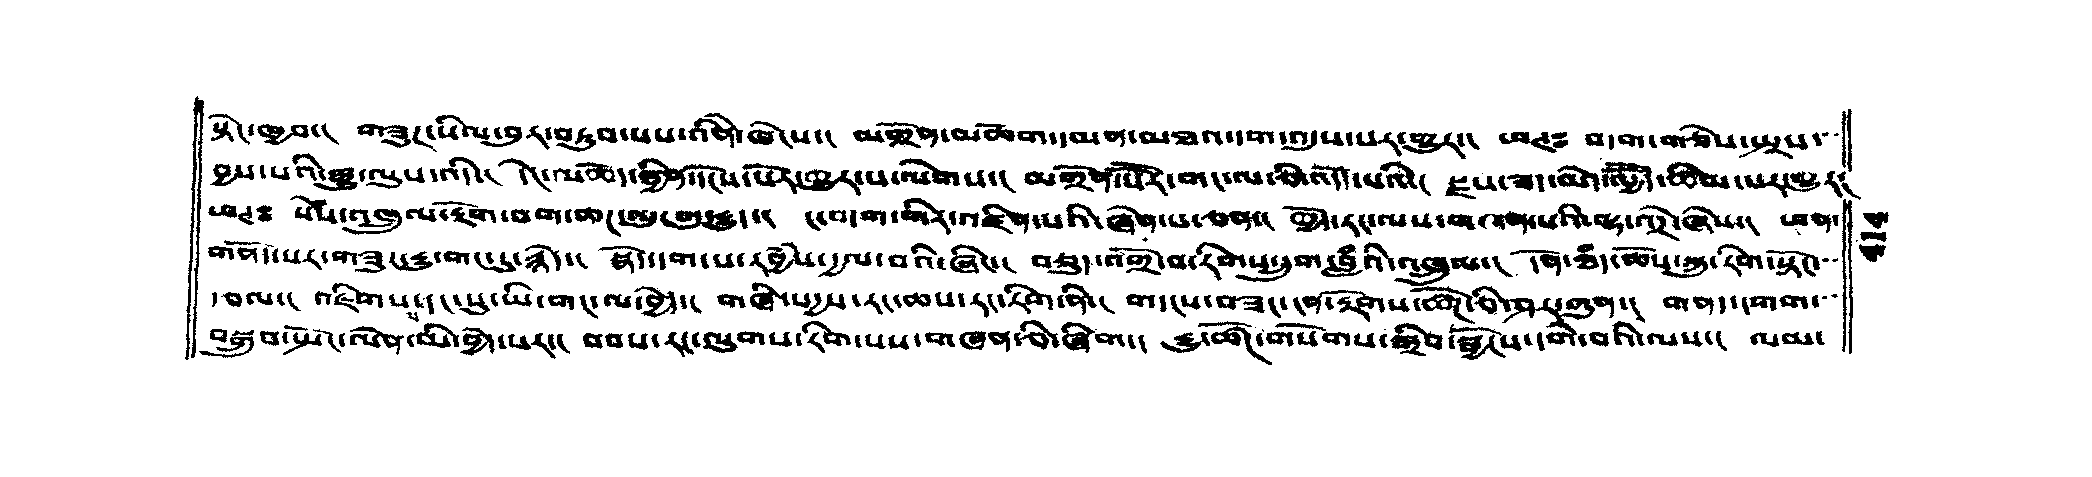སྟེང་ཁྱབ། །གཟུགས་སིལ་བུར་བཏུབ་པས་འཇིག་རྟེན་ཁེངས། །མགྲོན་མཆོག་དམན་མཐའ་དག་འདུས་པར་གྱུར། །ཕཊཿ བདག་གཅེས་སྤྲས་
བྱས་པའི་སྒྱུ་ལུས་འདི། །དེང་མཆོད་སྦྱིན་དངོས་པོར་གྱུར་པ་ལེགས། །མགྲོན་སོ་སོར་གང་ལ་ཅི་འདོད་པའི། །རྫས་ཟད་མེད་ལོངས་སྤྱོད་ཚིམ་པར་གྱུར། །
ཕཊཿ སེམས་འཁྲུལ་རྟོག་བག་ཆགས་ལུ་གུ་རྒྱུད། །ང་བདག་གིར་འཛིན་པའི་ཞེན་པ་ཅན། །ཁྱོད་རང་ལས་གཞན་པའི་ལྷ་འདྲེ་ཞེས། །ཕན་
གནོད་པར་གཟུང་རྒྱུ་གང་དུ་རྙེད། །སྣོད་དག་པ་རབ་འབྱམས་རྒྱལ་བའི་ཞིང་། །བཅུད་འགྲོ་བ་རིགས་དྲུག་བླ་མའི་འཁྲུལ། །དོན་ཐམས་ཅད་ཆོས་སྐུ་རིག་སྟོང་
རྩལ། །འཇིགས་པ་དང་སུ་ཡིས་གང་ལ་བྱེད། །གཞི་སངས་རྒྱས་རང་ཆས་རང་རིག་ནི། །གདངས་བཟང་ངན་རྟོགས་ཚོགས་ཅི་ཤར་ཀུན། །གནད་དགག་
བསྒྲུབ་སྤོང་ལེན་མི་བྱེད་པར། །བབས་རང་ལུགས་རིག་པས་གཞན་ཅི་ཞིག་།རྒྱུ་ཚོགས་གསོགས་སྒྲིབ་སྦྱང་དགེ་བའི་ལས། །ལམ་